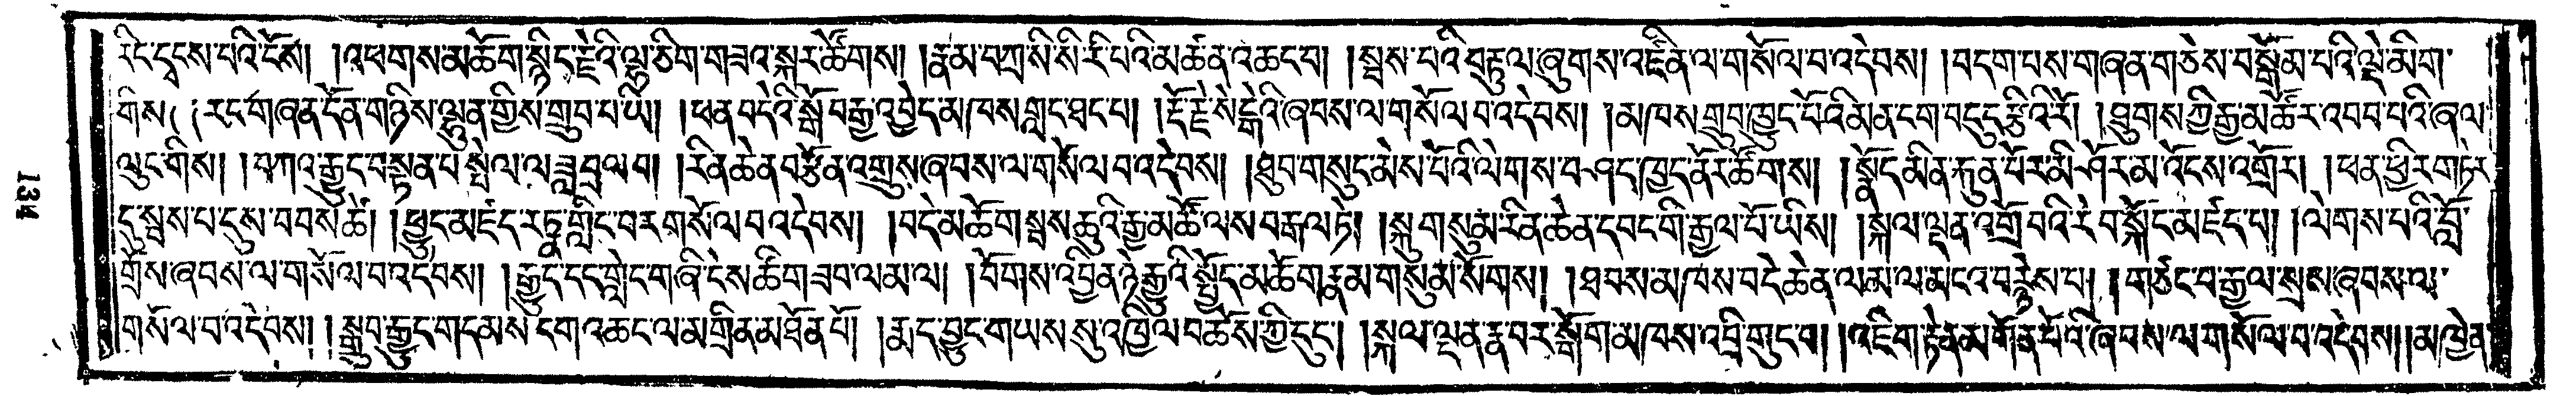རིང་དྭངས་པའི་ངོས། །འཕགས་མཆོག་སྙིང་རྗེའི་ལྷ་ཅིག་གཟའ་སྐར་ཚོགས། །རྣམ་བཀྲ་སི་སི་རི་པའི་མཚན་འཆང་བ། །སྦས་པའི་བརྟུལ་ཞུགས་འཛིན་ལ་གསོལ་བ་འདེབས། །བདག་པས་གཞན་གཅེས་བསྒོམ་པའི་ལྡེ་མིག་
གིས༑ ༑རང་གཞན་དོན་གཉིས་ལྷུན་གྱིས་གྲུབ་པ་ཡི། །ཕན་བདེའི་སྒོ་བརྒྱ་འབྱེད་མཁས་གླང་ཐང་པ། །རྡོ་རྗེ་སེངྒེའི་ཞབས་ལ་གསོལ་བ་འདེབས། །མཁས་གྲུབ་ཁྱུང་པོའི་མན་ངག་བདུད་རྩིའི་རོ། །ཐུགས་ཀྱི་རྒྱ་མཚོར་འབབ་པའི་ཞལ་
ལུང་གིས། །བཀའ་རྒྱུད་བསྟན་པ་སྤེལ་ལ་ཟླ་བྲལ་བ། །རིན་ཆེན་བརྩོན་འགྲུས་ཞབས་ལ་གསོལ་བ་འདེབས། །ཐུབ་གསུང་མེས་པོའི་ལེགས་བཤད་ཁྱད་ནོར་ཚོགས། །སྣོད་མིན་རྐུན་པོར་མི་ཤོར་མ་འོངས་འགྲོར། །ཕན་ཕྱིར་གཏེར་
དུ་སྦས་པ་དུས་བབས་ཚེ། །ཕྱུང་མཛད་རཏྣ་གླིང་བར་གསོལ་བ་འདེབས། །བདེ་མཆོག་སྦས་ཆུའི་རྒྱ་མཚོ་ལས་བརྒལ་ཏེ། །སྐུ་གསུམ་རིན་ཆེན་དབང་གི་རྒྱལ་པོ་ཡིས། །སྐལ་ལྡན་འགྲོ་བའི་རེ་བ་སྐོང་མཛད་པ། །ལེགས་པའི་བློ་
གྲོས་ཞབས་ལ་གསོལ་བ་འདེབས། །རྒྱུད་དང་གླེང་གཞི་ངེས་ཚིག་ཟབ་ལམ་ལ། །བོགས་འབྱིན་ཉེ་རྒྱུའི་སྤྱོད་མཆོག་རྣམ་གསུམ་སོགས། །ཐབས་མཁས་བདེ་ཆེན་ལམ་ལ་མངའ་བརྙེས་པ། །གཙང་བ་རྒྱལ་སྲས་ཞབས་ལ་
གསོལ་བ་འདེབས། །སྒྲུབ་རྒྱུད་གདམས་ངག་འཆང་ལ་མགྲིན་མཐོན་པོ། །རྨད་བྱུང་གཡས་སུ་འཁྱིལ་བ་ཆོས་ཀྱི་དུང་། །སྐལ་ལྡན་རྣ་བར་སྒོག་མཁས་འབྲི་གུང་བ། །འཇིག་རྟེན་མགོན་པོའི་ཞབས་ལ་གསོལ་བ་འདེབས། །མཁྱེན་